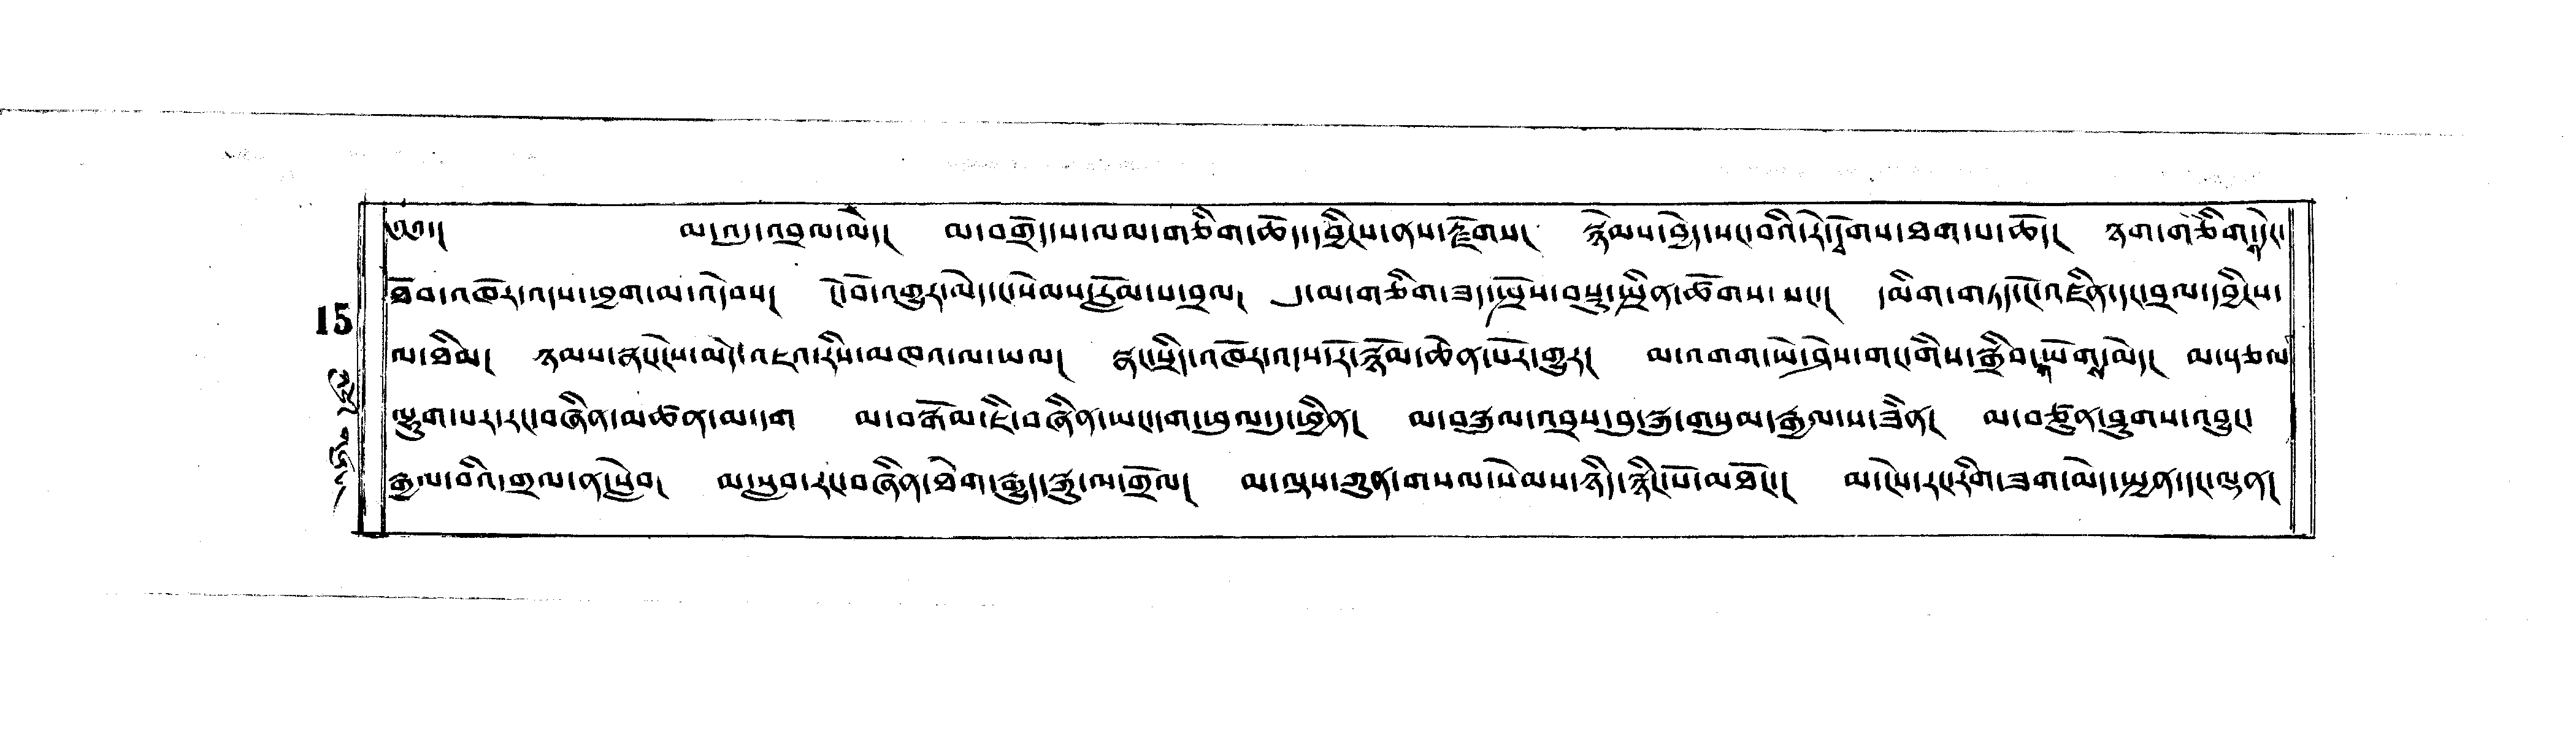མ་འདུ་འབྲལ་མེད། མ་བགྲོད་ས་ལམ་གཅིག་ཆོད་དབྱིངས་ནས་རྫོགས། སྙེམ་བྱེད་སང་བའི་རེ་དྭོགས་ཐག་པ་ཆོད། ཉག་གཅིག་གདེང་
ཐོབ་འཁོར་འདས་ཕྱག་མ་འདེབས། ངོ་བོ་འགྱུར་མེད་ང་སེམས་རློམ་པ་བྲལ། དུ་མ་གཅིག་ཟད་སྤྲོ་བསྡུ་སྤྲིན་ཚོགས་སངས། དམིགས་གཏད་ངོ་འཛིན་དང་བྲལ་དབྱིངས་
ལ་ཐིམ། ཉམས་སྣང་དངོས་མེད་མཇའ་རིས་མཁའ་ལ་ཡལ། སྣང་སྲིད་འཁོར་འདས་རོ་སྙོམས་ཆེན་པོར་གྱུར། མ་འགག་ཡེ་ཤེས་གང་གིས་སྒྲིབ་གཡོག་མེད། མ་བཙལ་
ལྷུག་པར་རང་བཞིན་མཚན་མ་དག། མ་བསྒོམ་ཇི་བཞིན་ཡང་དག་ཕུལ་དུ་ཕྱིན། མ་བསྐུལ་འབྲས་བུ་སྐུ་གསུམ་རྒྱལ་ས་ཟིན། མ་བཙུན་ཤུགས་འབྱུང་
རྒྱལ་བའི་གྲལ་ན་སླེབས། མ་བསླབས་རང་བཞིན་ཐེག་རྒྱུད་སྐུ་ལ་གྲོལ། མ་བལྟས་ཀུན་གསལ་སེམས་ཉིད་སྙིང་པོ་མཐོང་། མ་ངེས་རང་རིག་ཟག་མེད་སྤྱན་དང་ལྡན།